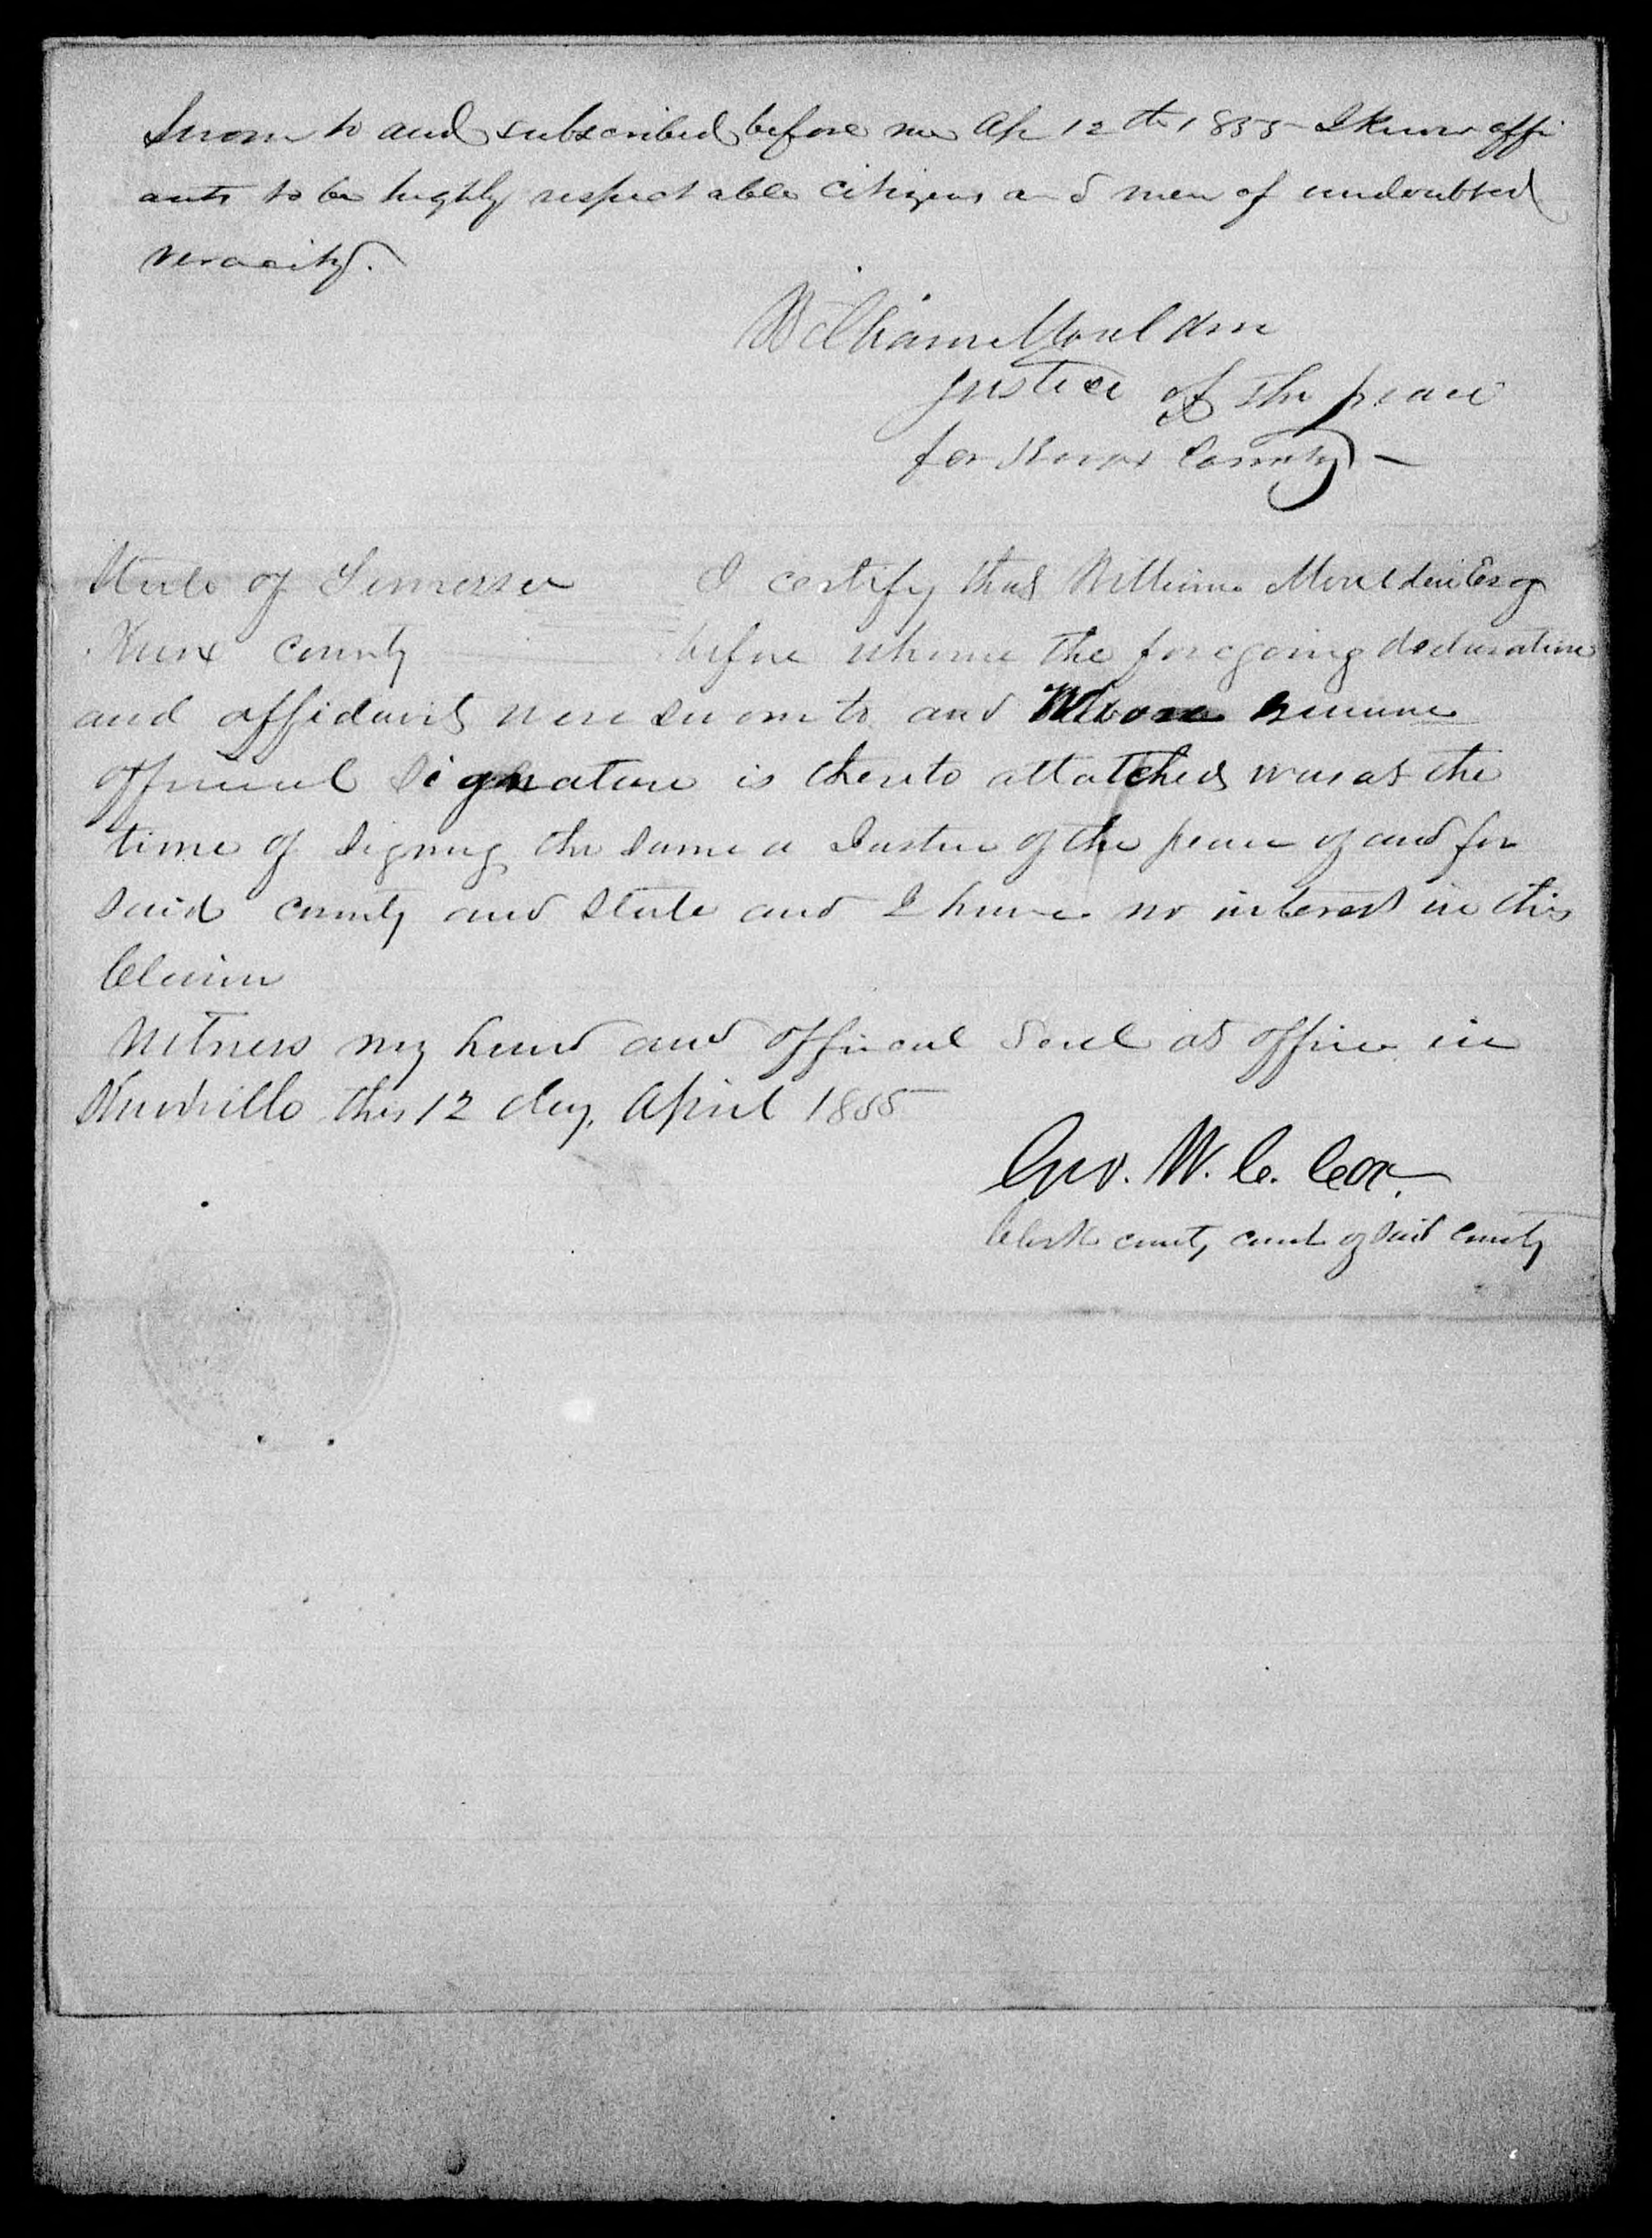Sworn to and subscribed before me Ap 12th, 1855 I know affiants to be highly respectable citizens and men of undoubted veracity.

William Moulden
Justice of the peace
for Knox County

State of Tennessee  
Knox county 
I certify that William Moulden Esq. before wherein the foregoing declaration and affidavit were sworn to and [illegible] Genuine official Signature is thereto attached was at the time of signing, the same a Justice of the peace of and for said county and state and I have no interest in this claim.
Witness my hand and official seal of office in Knoxville this 12 day April 1855

Geo. W. C. Cox
Clerk county court of said county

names: Geo W C Cox, William Moulden, William Mouldon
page: 6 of 24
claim: rejected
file: R. 4684, Simon Harris, Va.